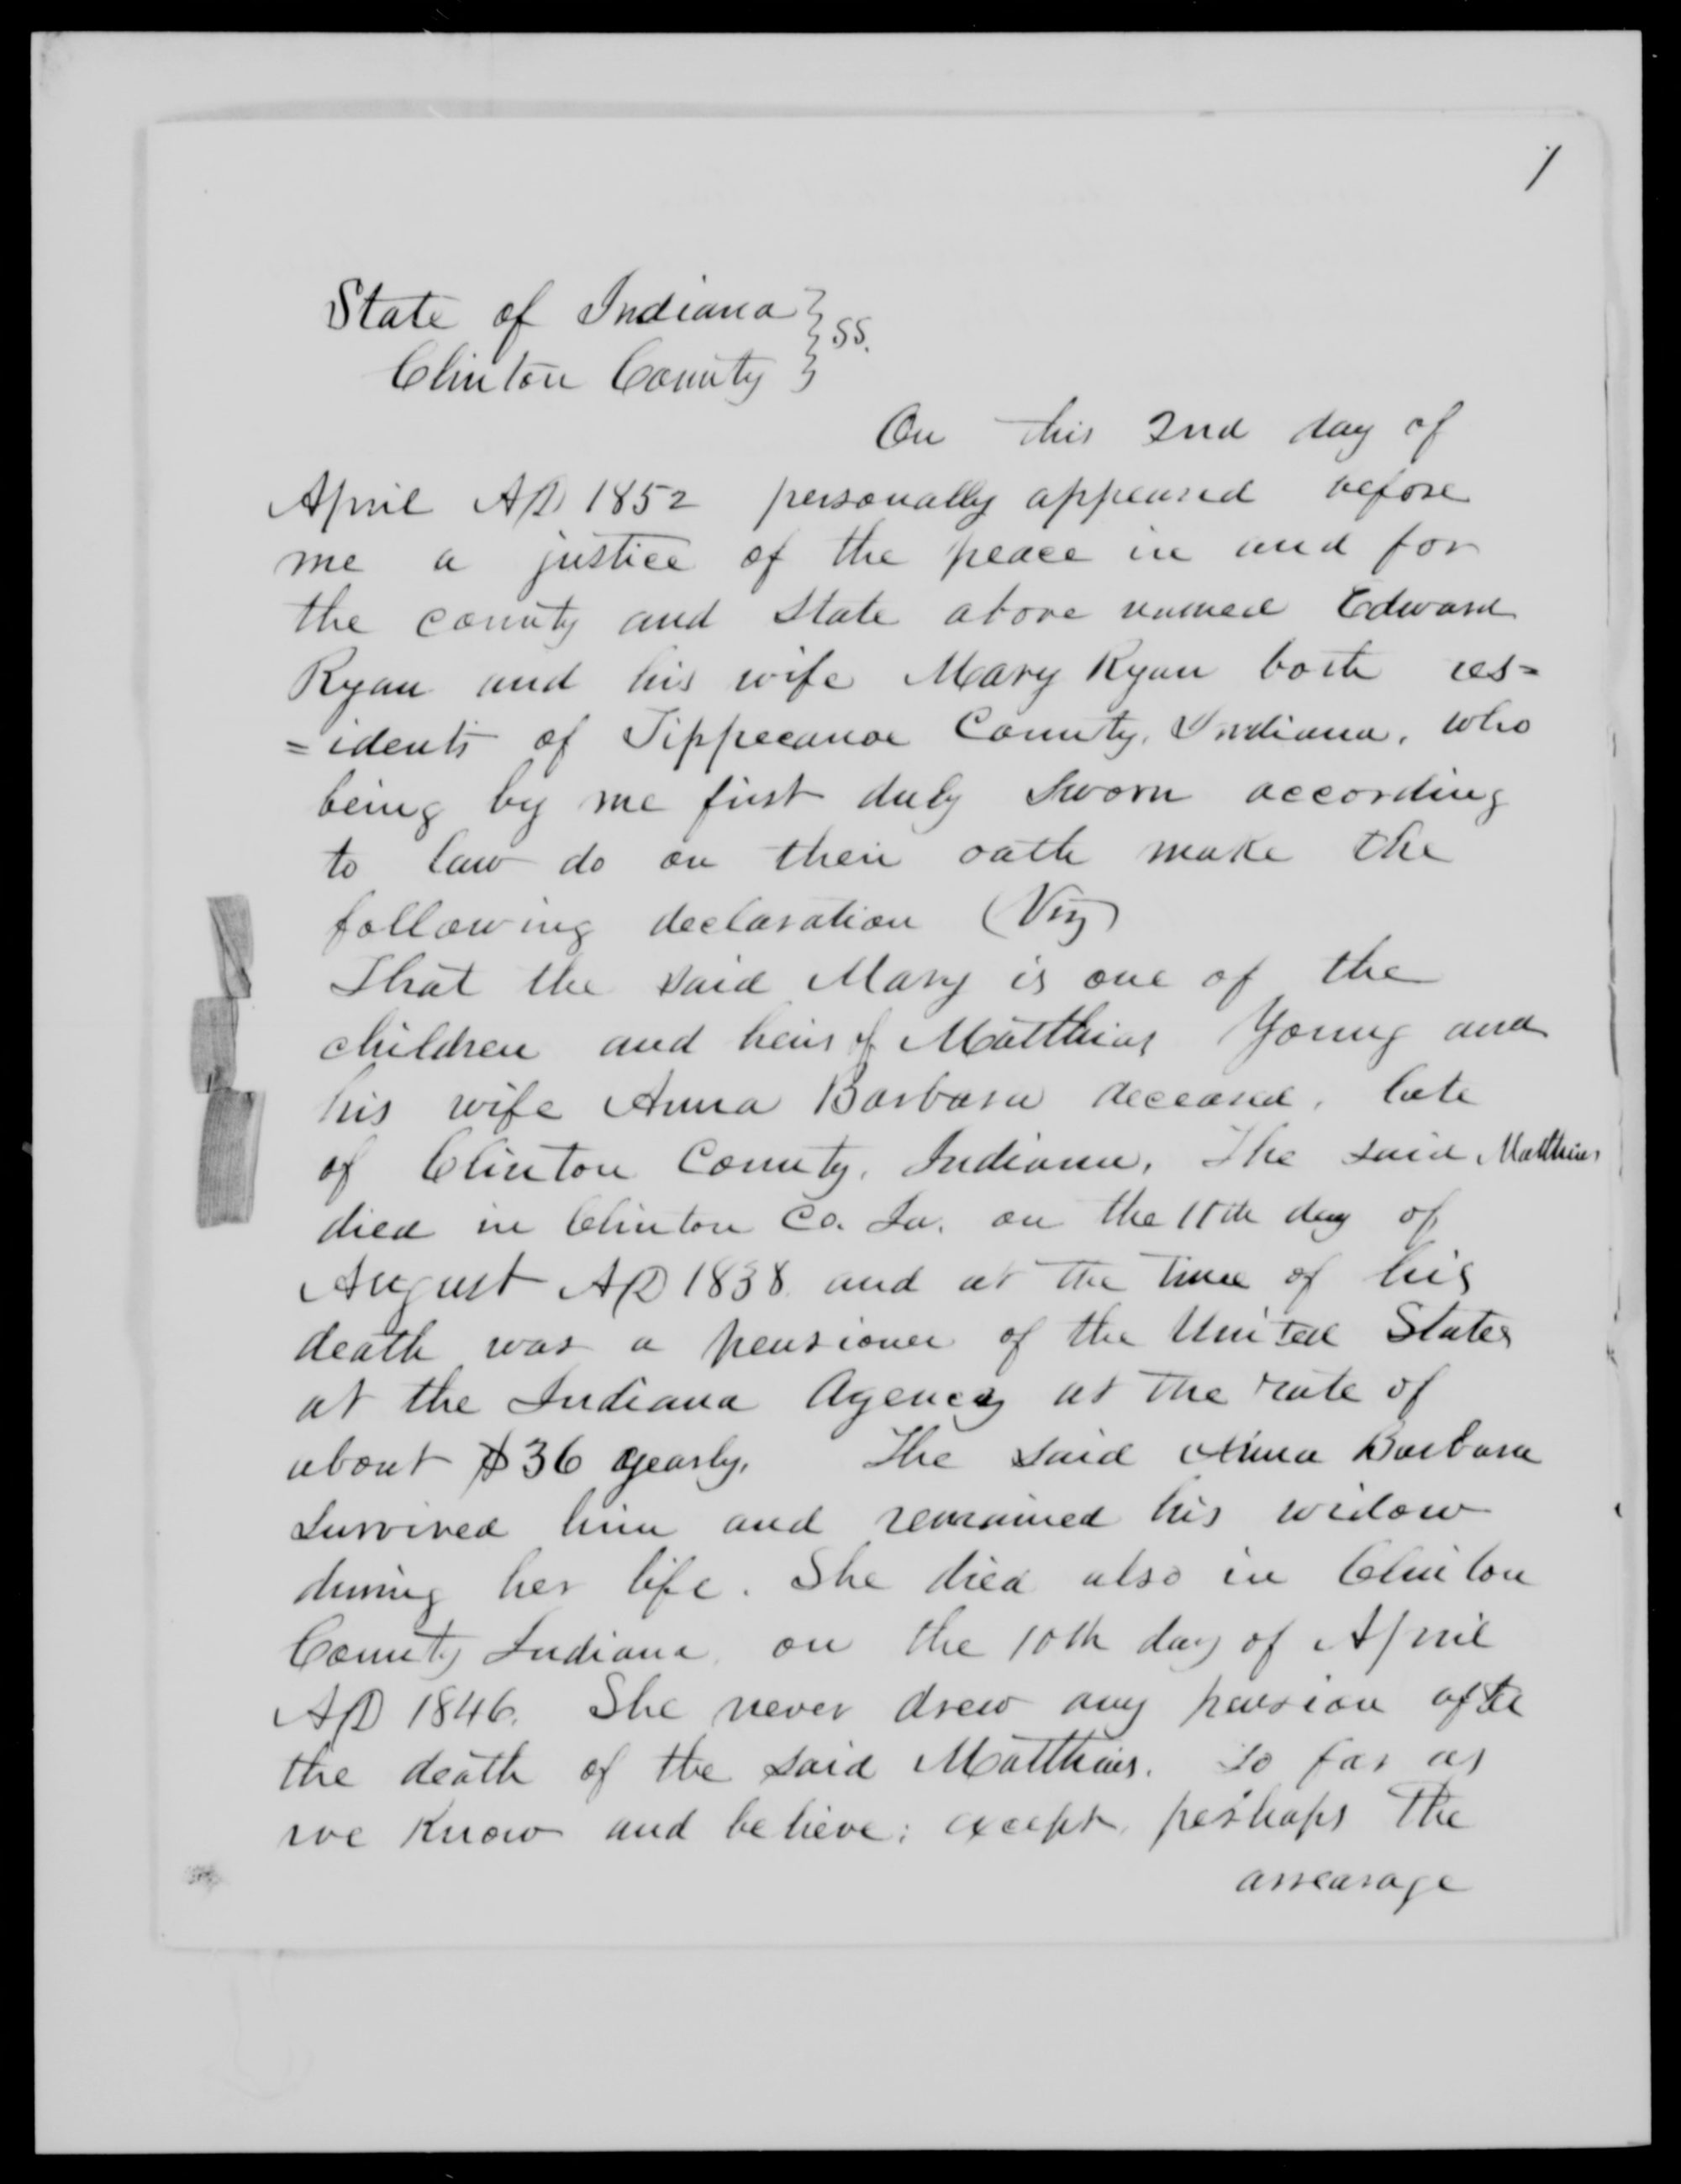State of Indiana Clinton County ss
On this 2nd day of April AD 1852 personally appeared before me a justice of the peace in and for
the County and State above named Edward
Ryan and his wife Mary Ryan both residents of Tippecanoe County, Indiana, who being by me first duly sworn according to law do on their oath make the following declaration (Viz) That the said Mary is one of the children and heirs of Matthias Young and
his wife Anna Barbara deceased, late of Clinton County, Indiana, the said Matthias died in Clinton Co. Pa. on the 11th day of August AD 1838 and at the time of his death was a pensioner of the United States at the Indiana Agency at the rate of about $36 yearly. The said Anna Barbara survived him and remained his widow during her life. She died also in Clinton County Indiana on the 10th day of April
AD 1846, She never drew any pension after
the death of the said Matthis, so far as
we know and believe; except perhaps the
arrearage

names: Edward Ryan, Mary Ryan, Matthias Young, Anna Barbara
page: 96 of 123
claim: rejected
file: R. 11,949, Matthias Young, Md.